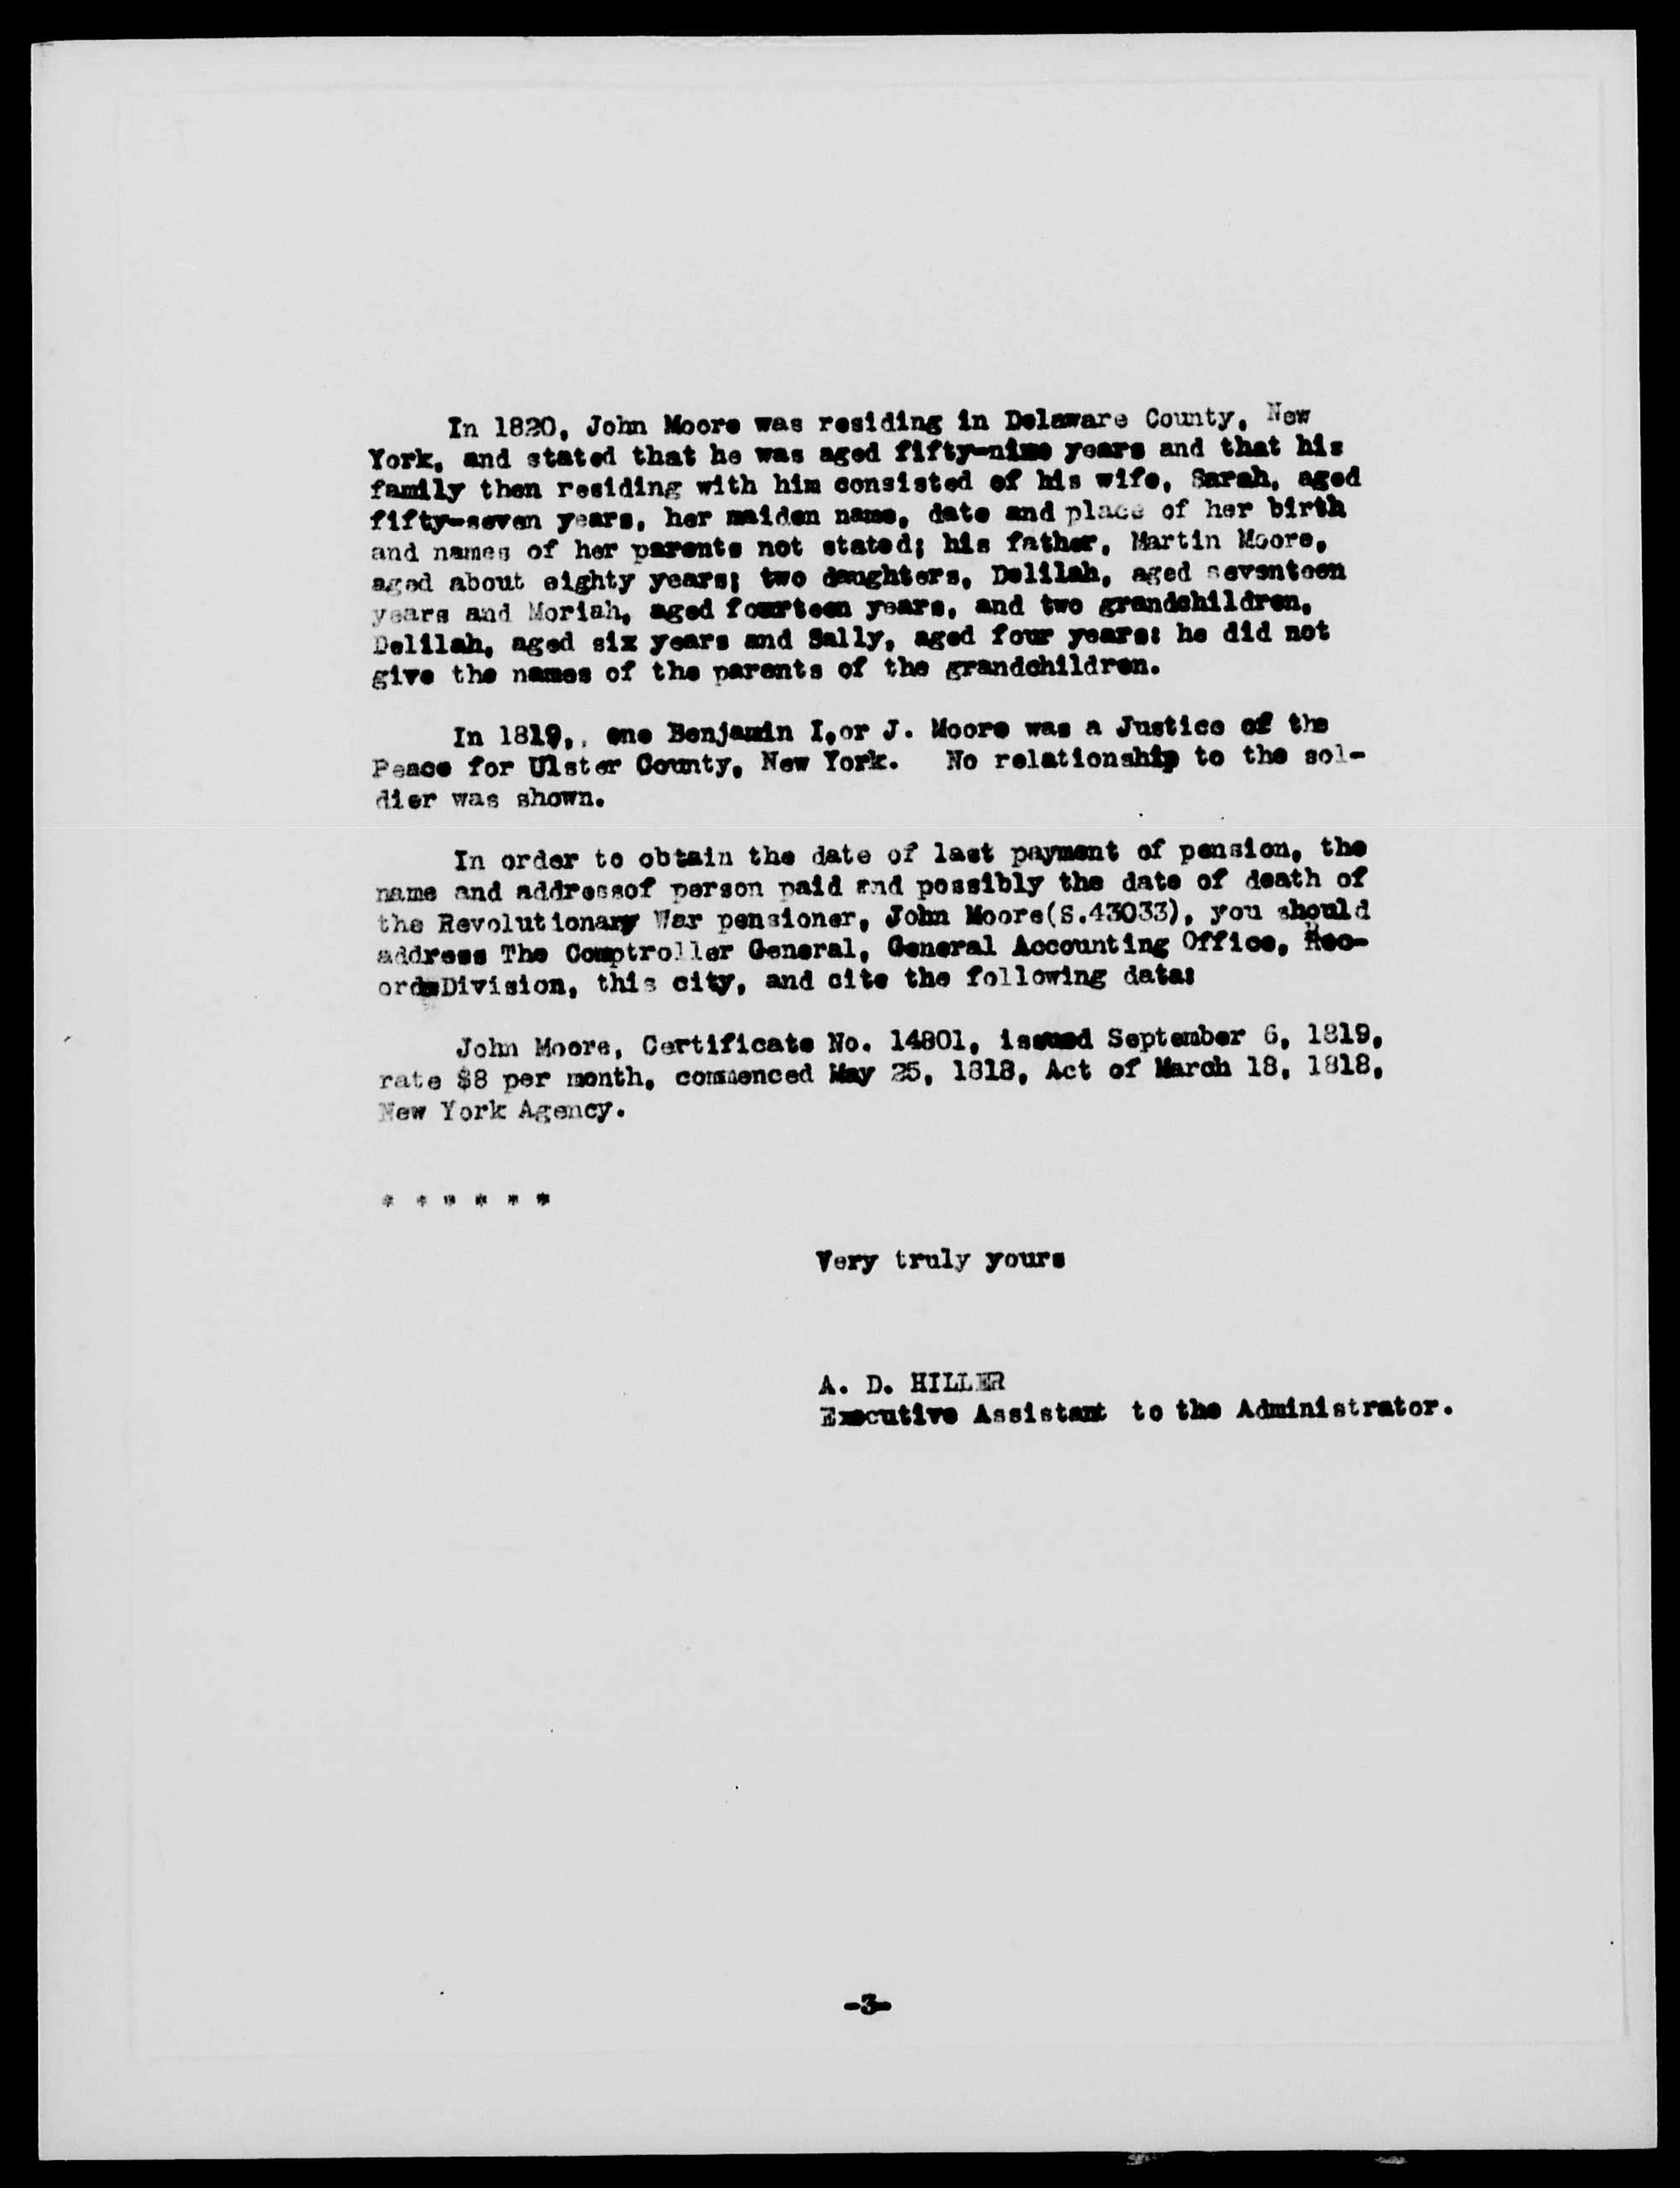In 1820, John Moore was residing in Delaware County, New York, and stated that he was aged fifty-nine years and that his family then residing with him consisted of his wife, Sarah, aged fifty-seven years, her maiden name, date and place of her birth and names of her parents not stated; his father, Martin Moore, aged about eighty years; two daughters, Delilah, aged seventeen years and Moriah, aged fourteen years, and two grandchildren, Delilah, aged six years and Sally, aged four years: he did not give the names of the parents of the grandchildren. 
In 1819, one Benjamin I, or J. Moore was a Justice of the Peace for Ulster County, New York. No relationship to the soldier was shown. 
In order to obtain the date of last payment of pension, the name and address of person paid and possibly the date of death of the Revolutionary War pensioner, John Moore (S. 43033), you should address The Comptroller General, General Accounting Office, Records Division, this city, and cite the following data: 
John Moore, Certificate No. 14801, issued September 6, 1819, rate $8 per month, commenced May 25, 1818, Act of March 18, 1818, New York Agency. 
Very truly yours 
A. D. HILLER 
Executive Assistant to the Administrator. 

-3-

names: Sally [BLANK]; Moriah [BLANK]; Benjamin I Moore; A D Hiller; Sarah [BLANK]; John Moore; Martin Moore; Delilah [BLANK]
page: 12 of 15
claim: survivor's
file: S. 43029, for John Moore, New York